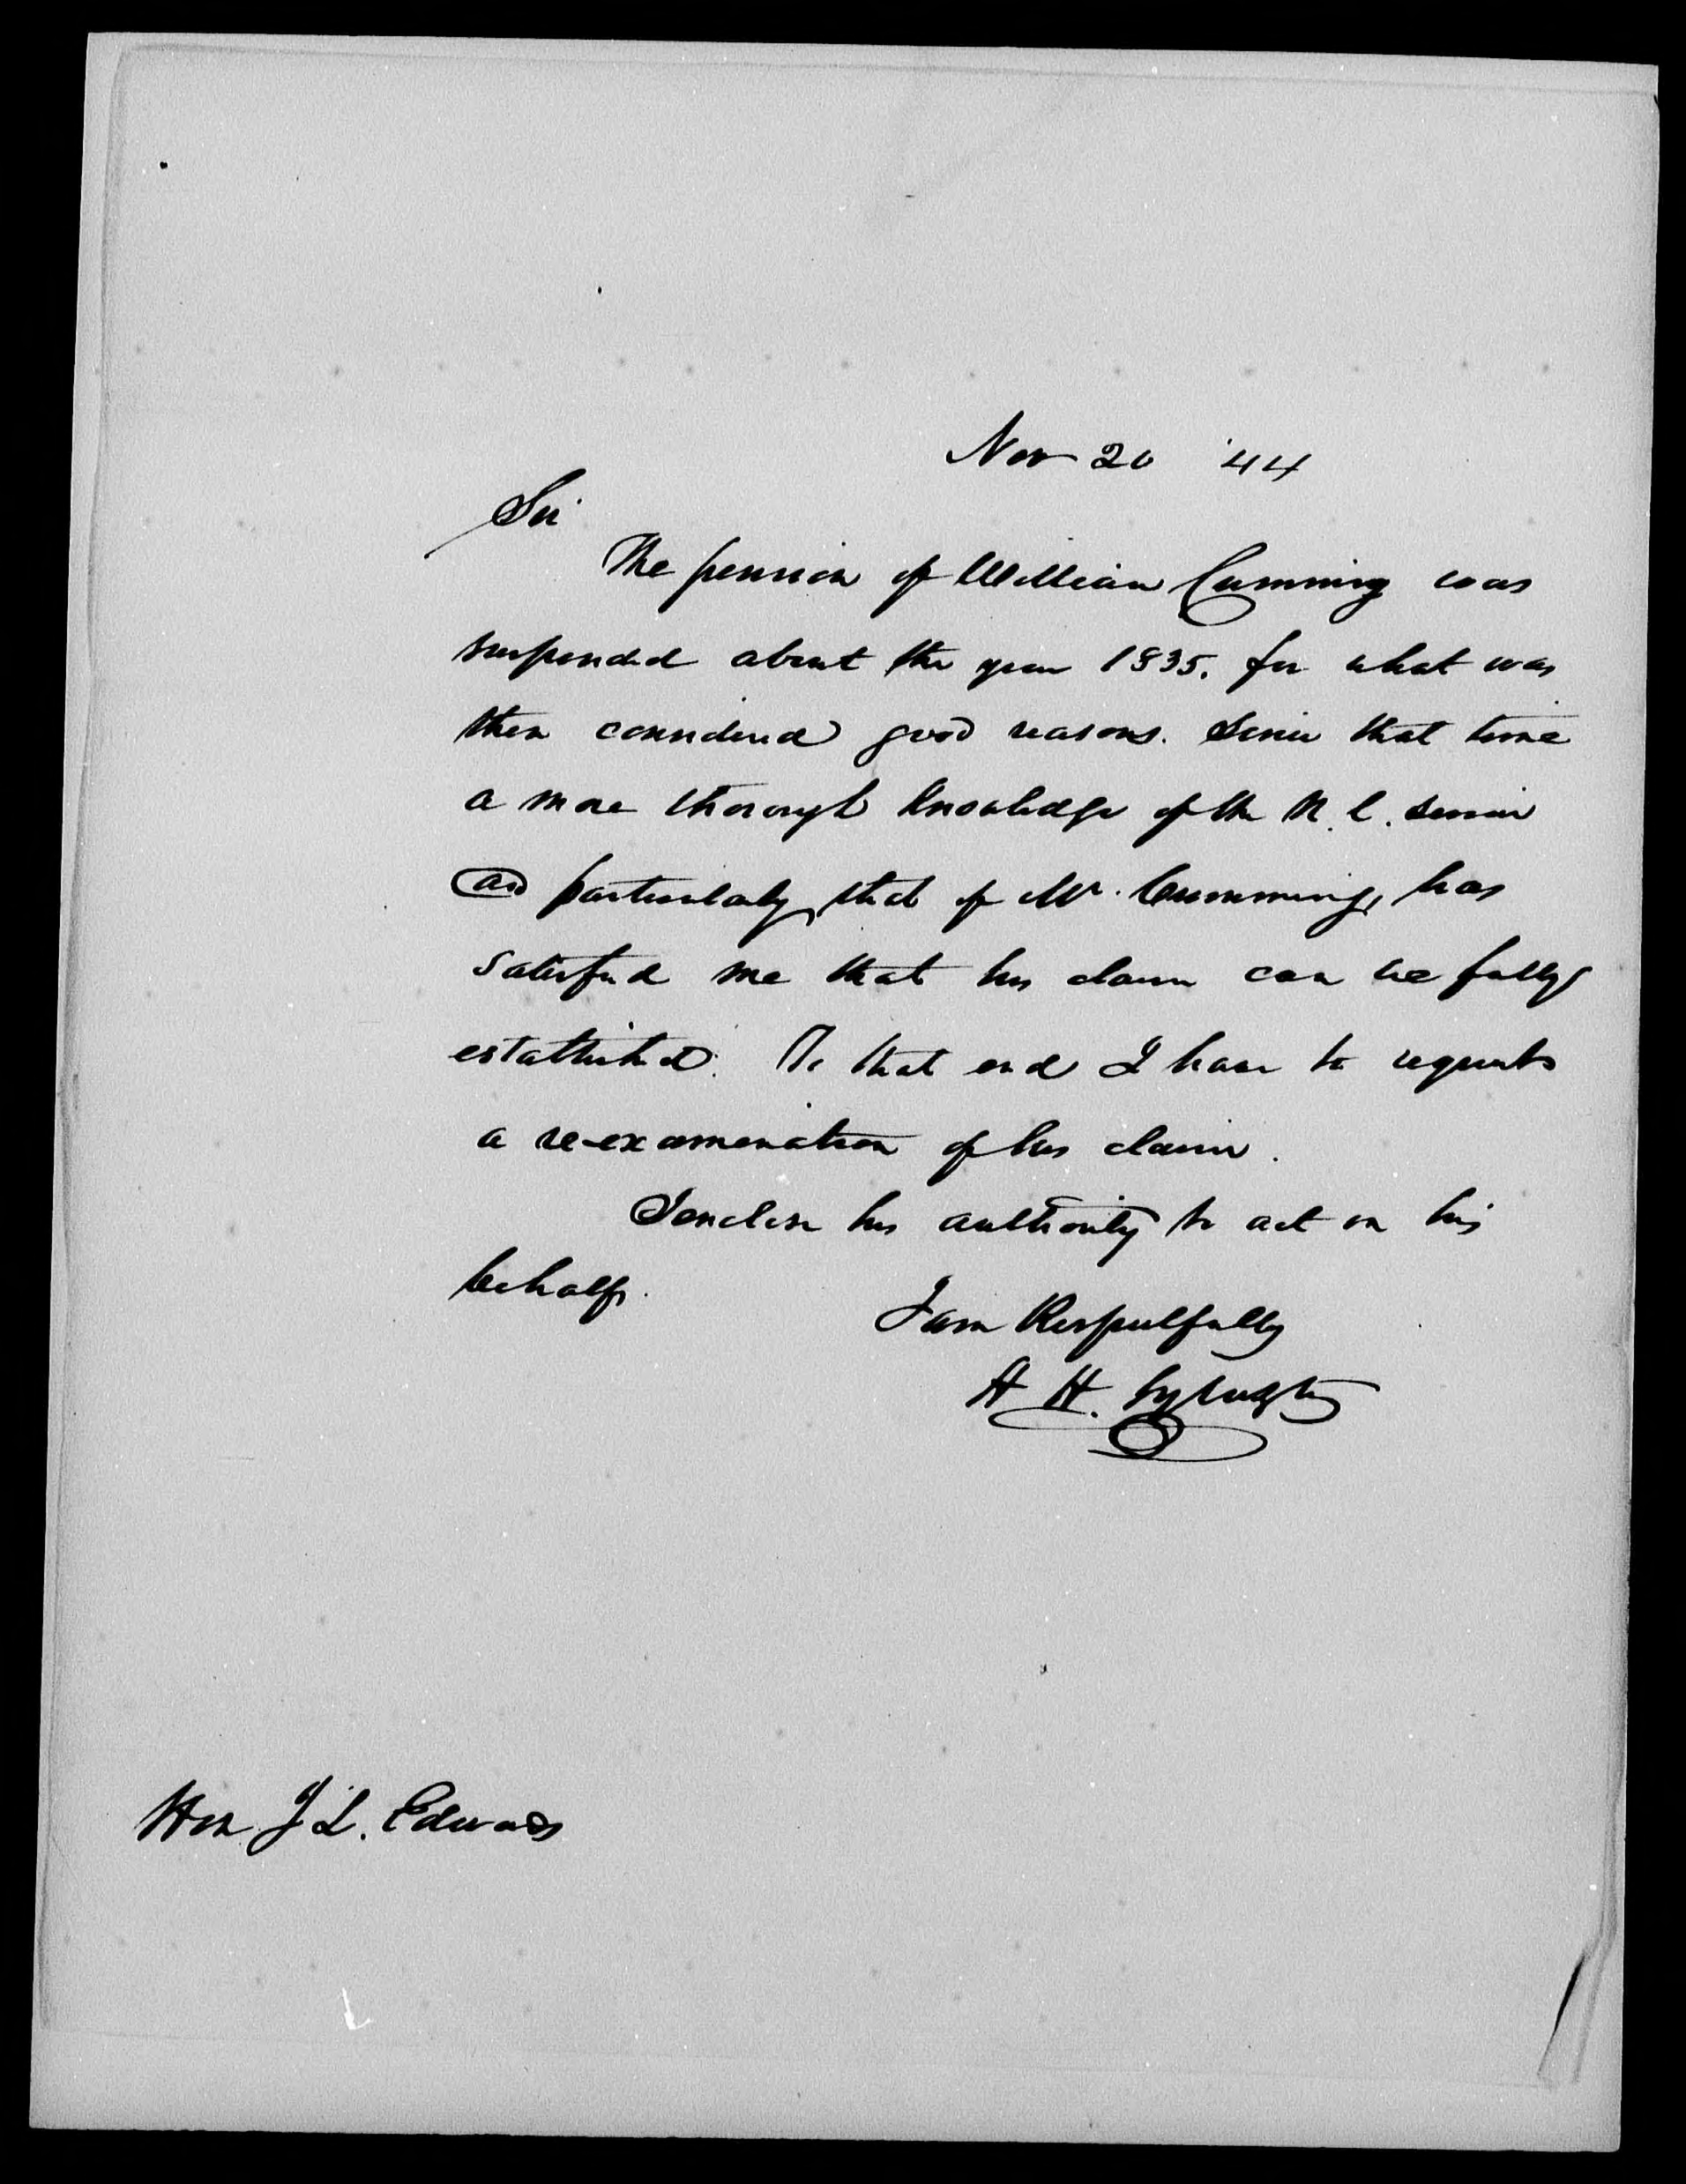[Handwritten letter]

Nov 20 '44 [1844]

Sir
The pension of William Cumming was suspended about the year 1835, for what was then considered good reasons.  Since that time a more thorough knowledge of the N.C. Service and particularly that of W. [or Mr.] Cumming has Satisfied me that his claim can be fully established.  To that end I have to request a re-examination of his claim.

I enclose his authority to act on his behalf.

I am Respectfully
A. H. [?] Sylvester
[with a swirl underneath his signature]

Hon J L. Edwards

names: J L Edwards, William Cumming, A H Sylvester, Cumming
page: 67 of 145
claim: survivor's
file: S. 8265, William Cumming, N.C.